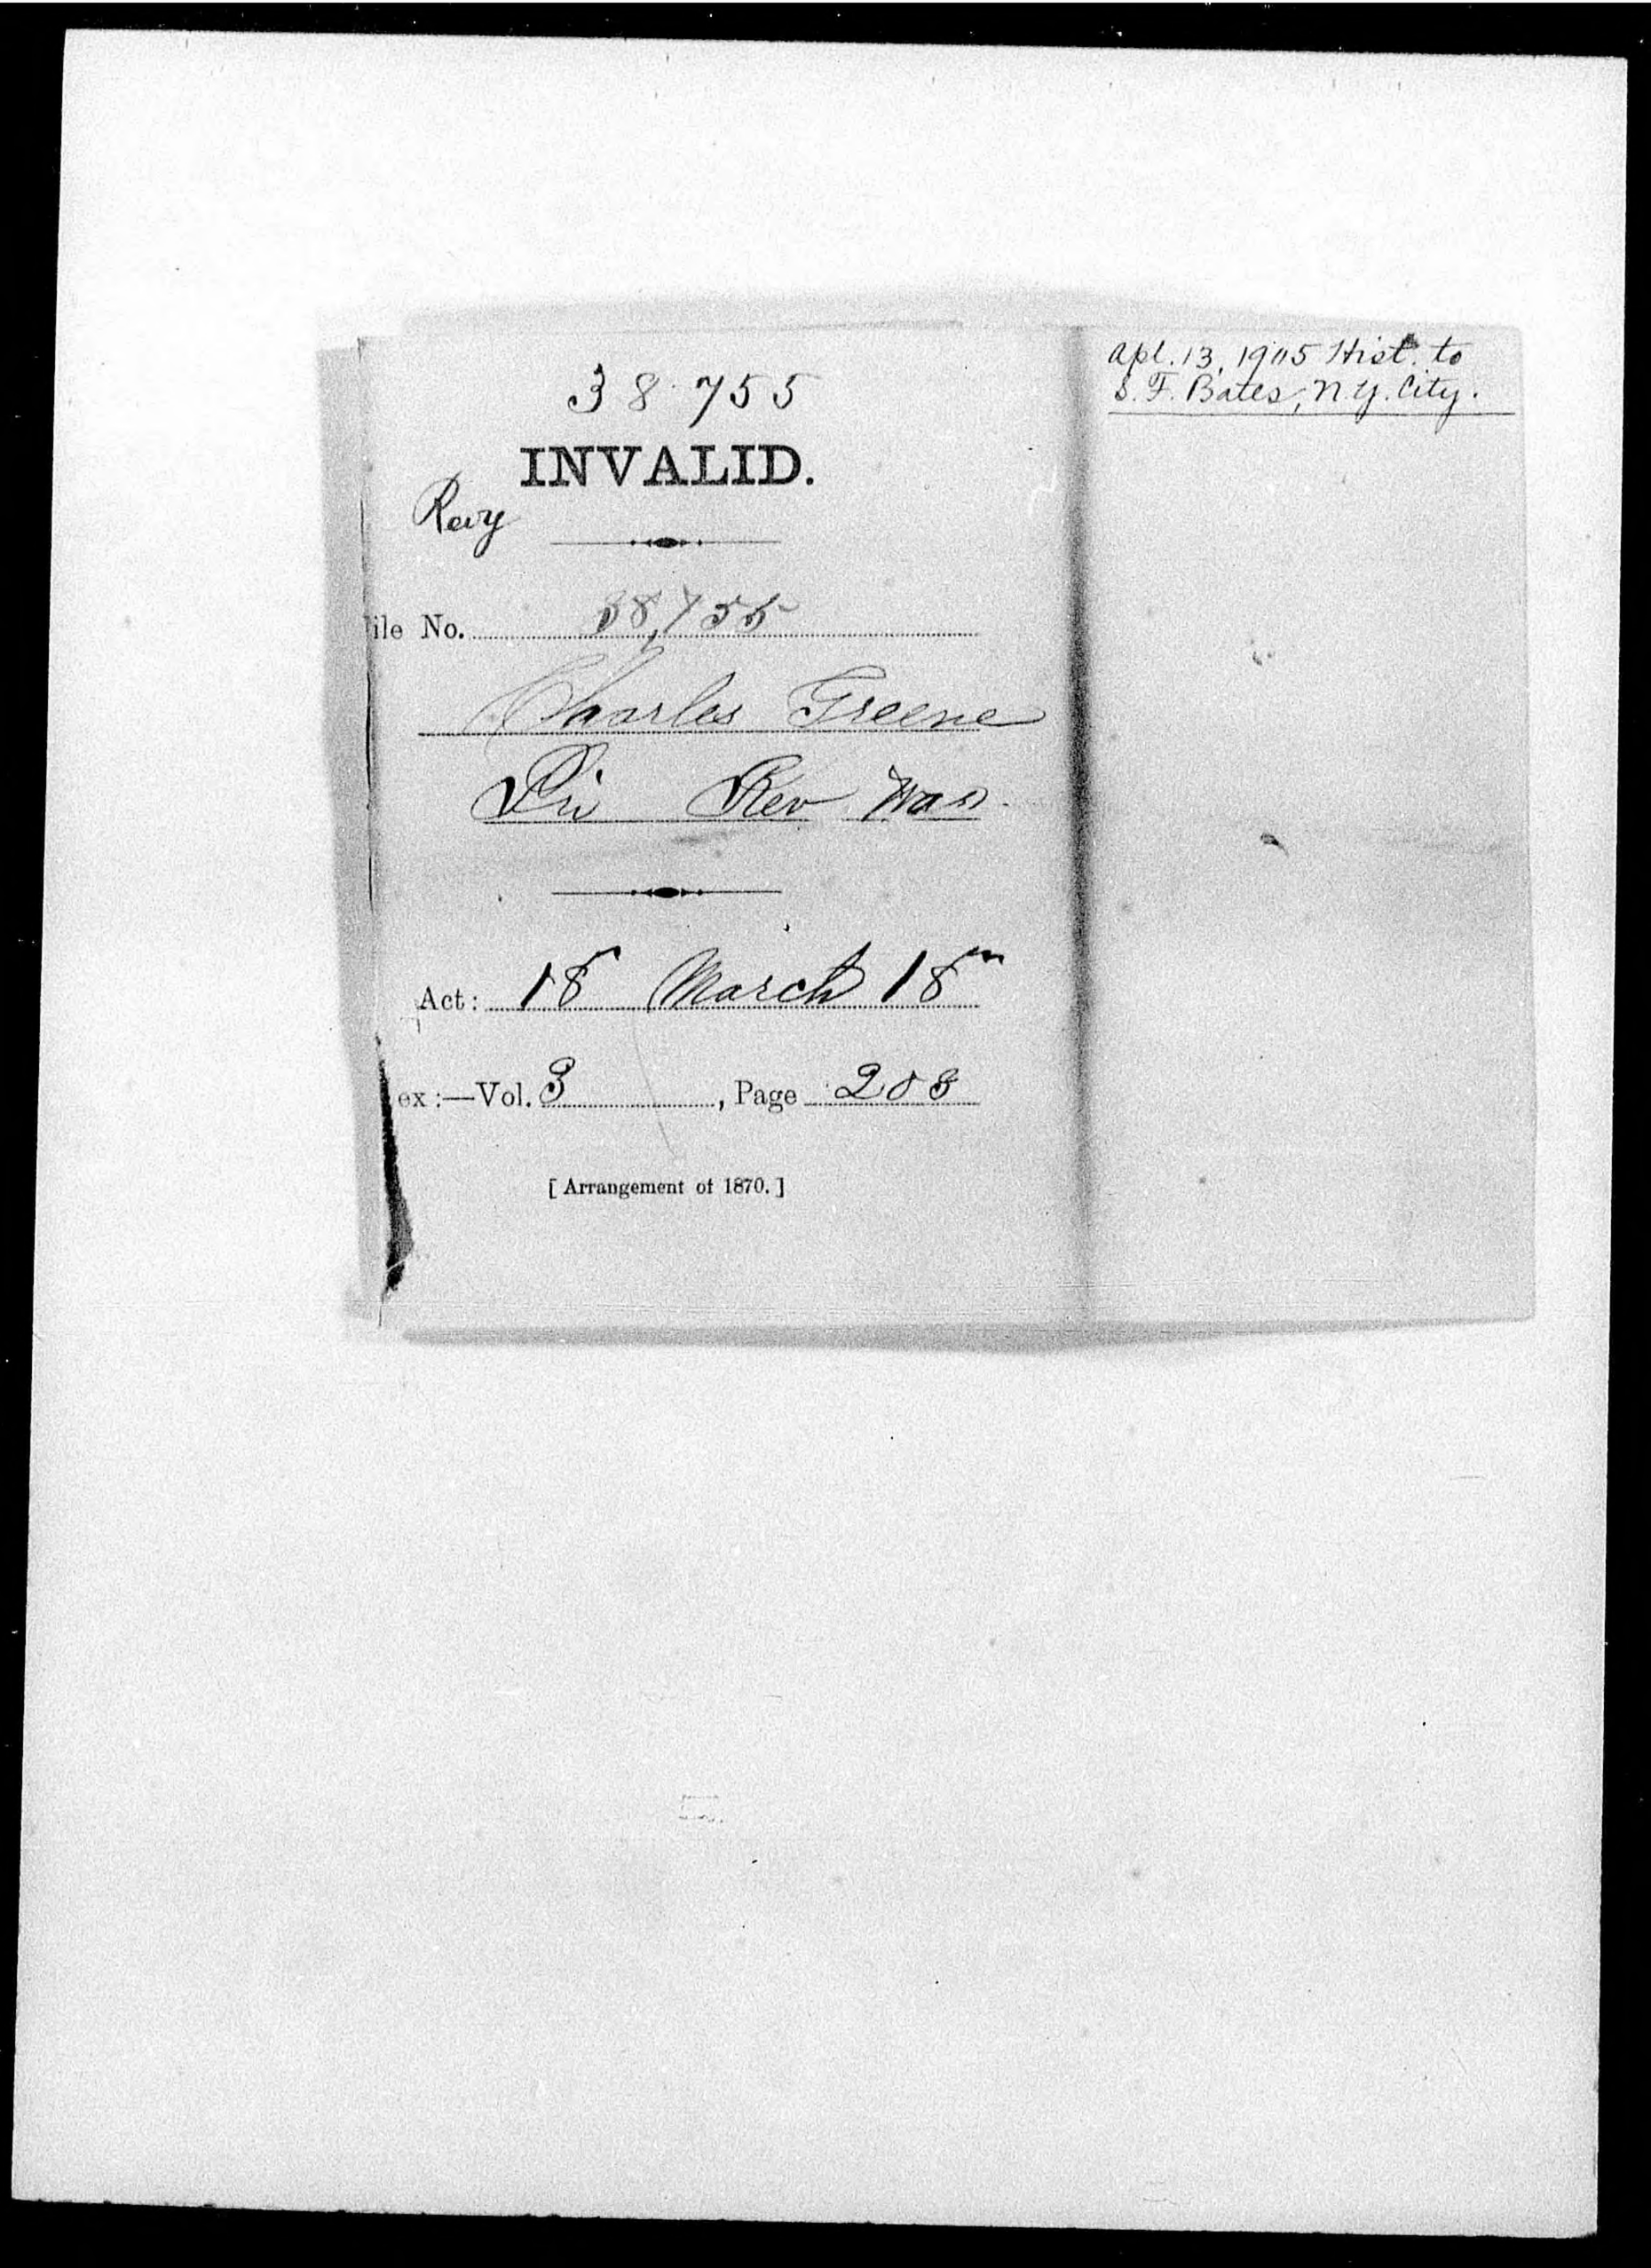38755
Invalid

File no. s8,755
Charles Greene
Priv Rev War

Act: 18 March 18
ex: Vol. 3, Page 208
[Arrangement of 1870]

Apl. 13, 19115 Hist. to S.F. Bates, N.Y.City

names: Charles Greene, S F Bates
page: 17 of 20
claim: survivor's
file: S. 38755, Charles Greene, R.I.